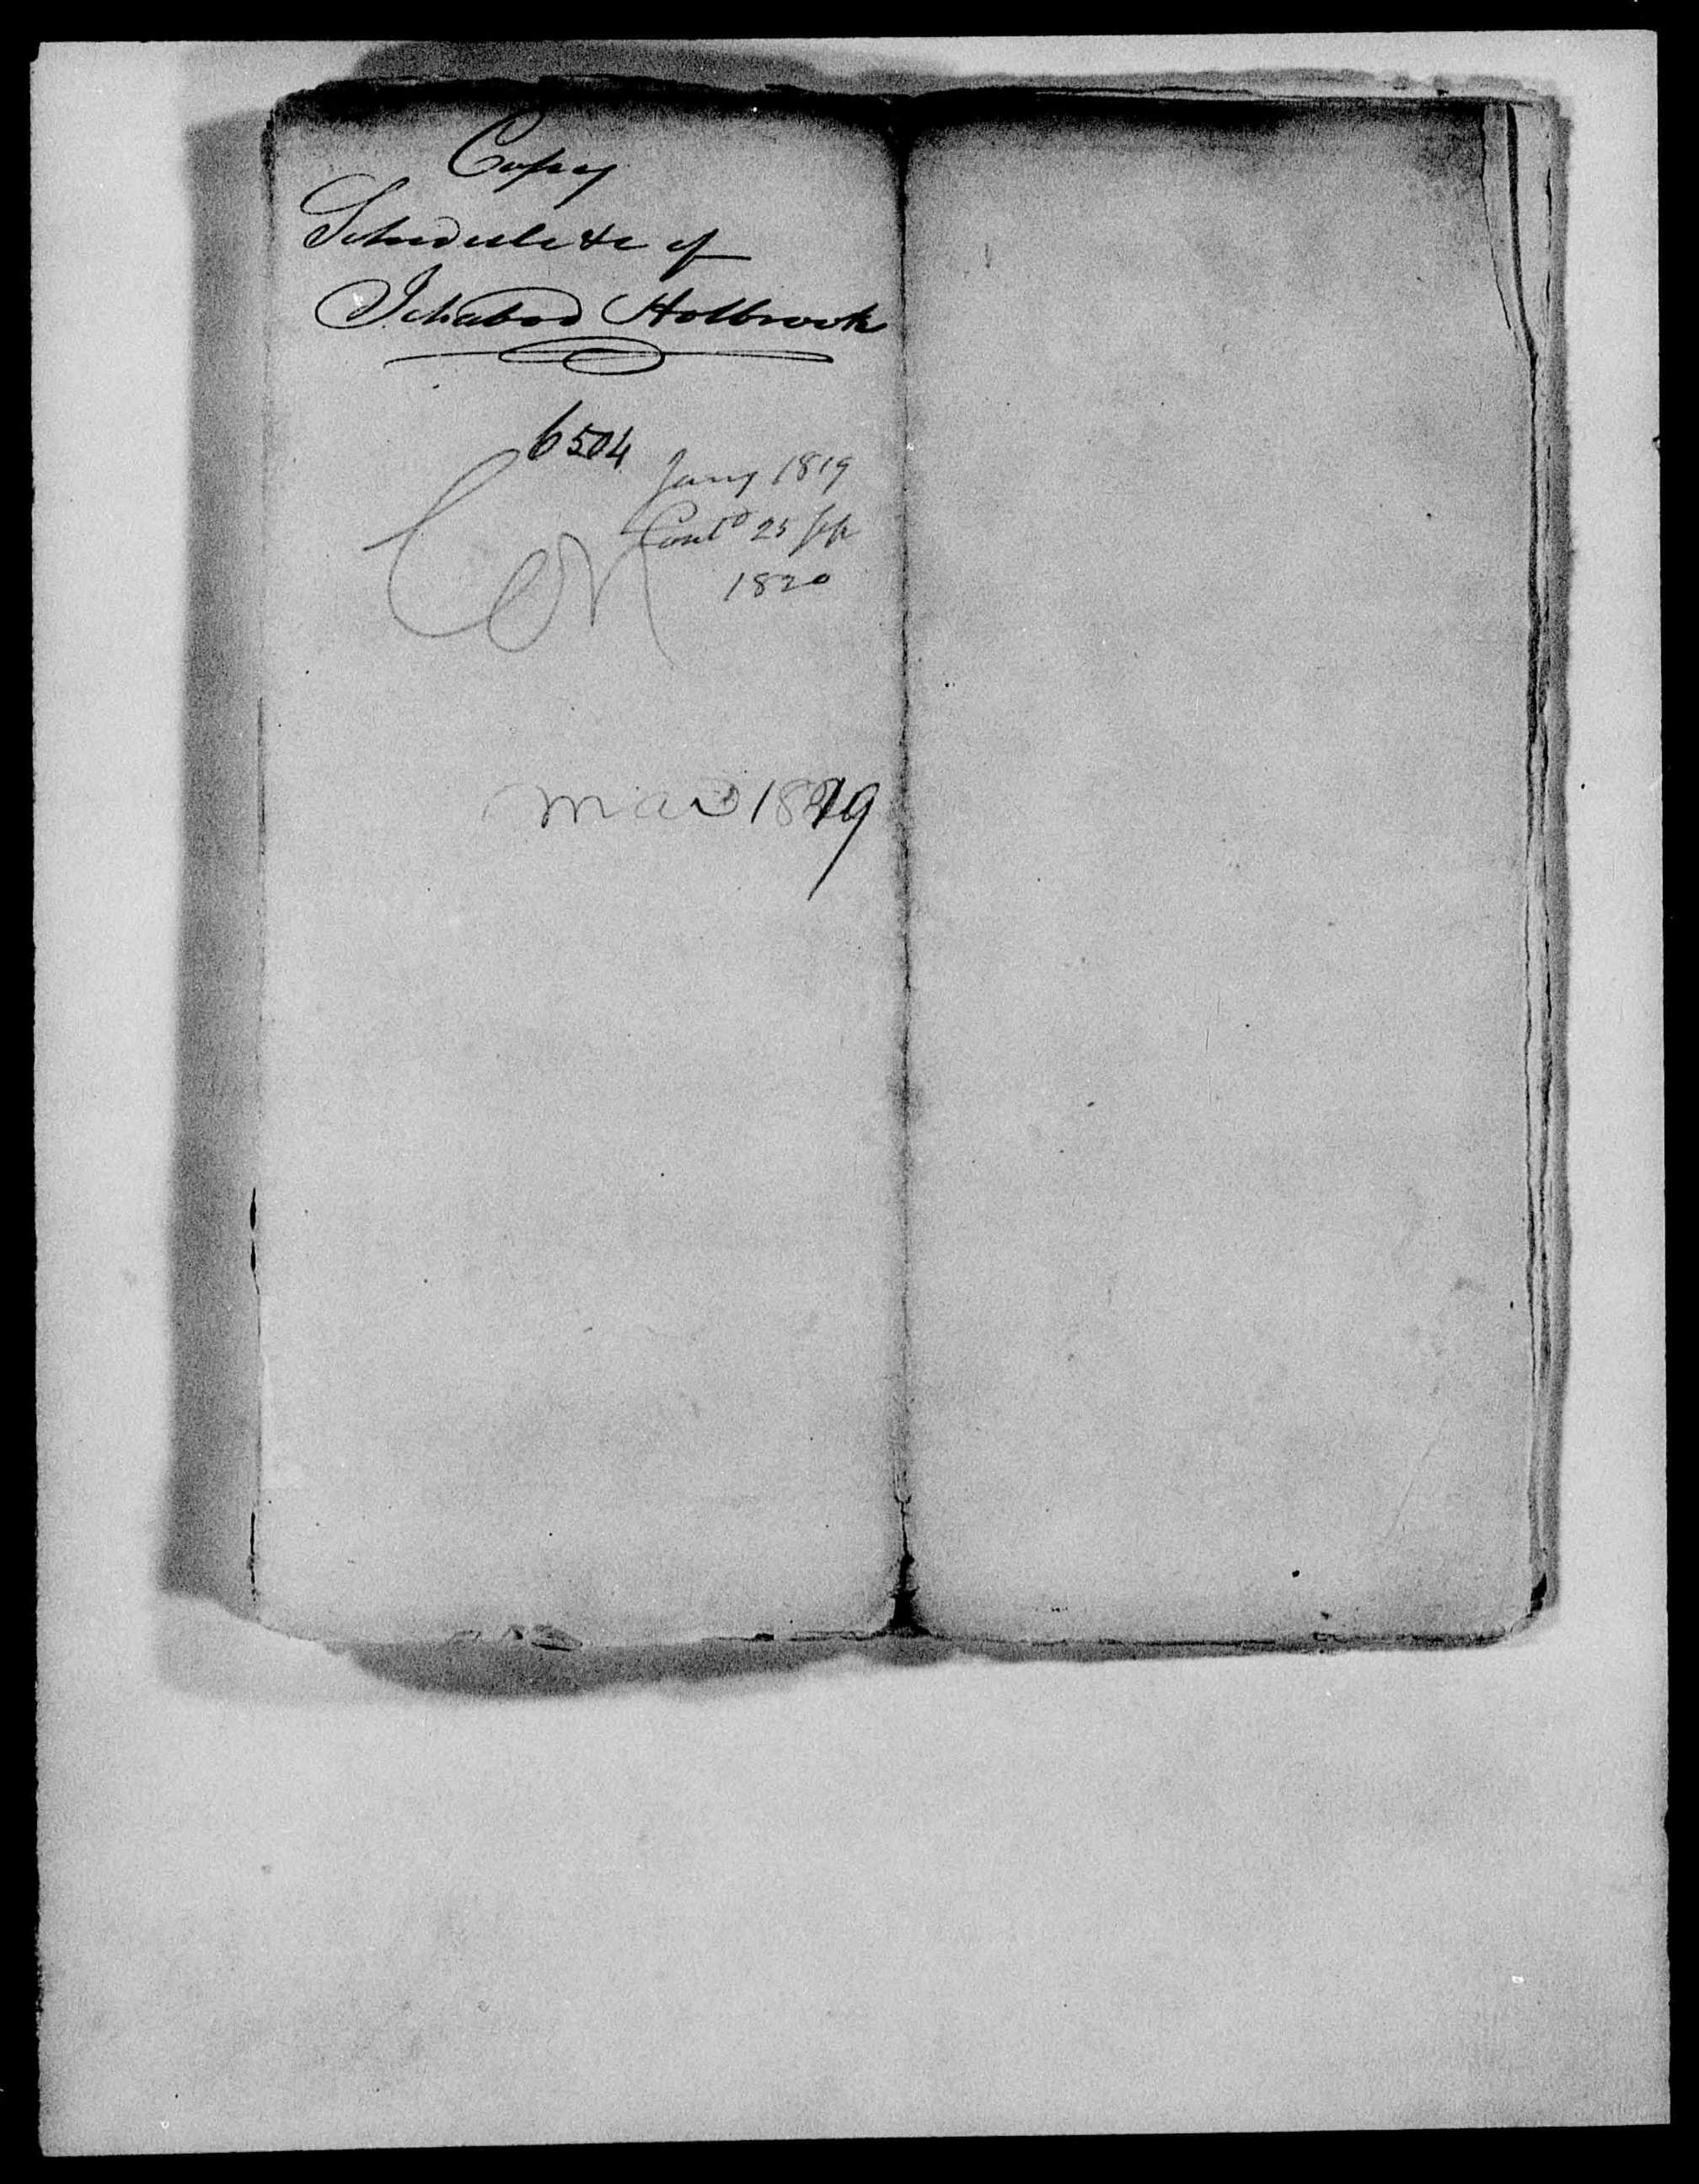Copy
Schedule &c of
Ichabod Holbrook

6504

Jany 1819
Contd 25 [Feb?] 1820

Con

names: Ichabod Holbrook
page: 9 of 15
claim: survivor's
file: S. 32,852, Ichabod Holbrook, Continental Mass.